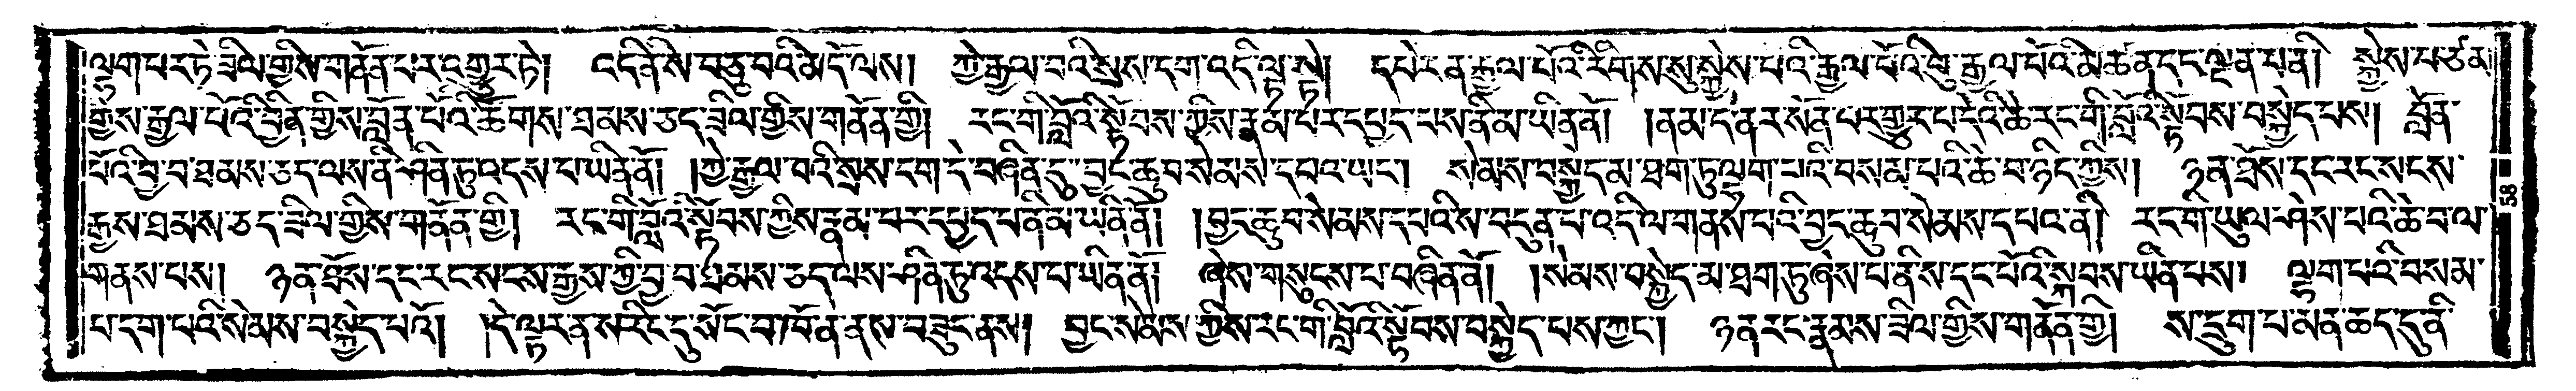ལྷག་པར་ཏེ་ཟིལ་གྱིས་གནོན་པར་འགྱུར་ཏེ། འདི་ནི་ས་བཅུ་པའི་མདོ་ལས། ཀྱེ་རྒྱལ་བའི་སྲས་དག་འདི་ལྟ་སྟེ། དཔེར་ན་རྒྱལ་པོའི་རིགས་སུ་སྐྱེས་པའི་རྒྱལ་པོའི་བུ་རྒྱལ་པོའི་མཚན་དང་ལྡན་པ་ནི། སྐྱེས་པ་ཙམ་
གྱིས་རྒྱལ་པོའི་བྱིན་གྱིས་བློན་པོའི་ཚོགས་ཐམས་ཅད་ཟིལ་གྱིས་གནོན་གྱི། རང་གི་བློའི་སྟོབས་ཀྱིས་རྣམ་པར་དཔྱད་པས་ནི་མ་ཡིན་ནོ། །ནམ་དེ་ནར་སོན་པར་གྱུར་པ་དེའི་ཚེ་རང་གི་བློའི་སྟོབས་བསྐྱེད་པས། བློན་
པོའི་བྱ་བ་ཐམས་ཅད་ལས་ནི་ཤིན་ཏུ་འདས་པ་ཡིན་ནོ། །ཀྱེ་རྒྱལ་བའི་སྲས་དག་དེ་བཞིན་དུ་བྱང་ཆུབ་སེམས་དཔའ་ཡང་། སེམས་བསྐྱེད་མ་ཐག་ཏུ་ལྷག་པའི་བསམ་པའི་ཆེ་བ་ཉིད་ཀྱིས། ཉན་ཐོས་དང་རང་སངས་
རྒྱས་ཐམས་ཅད་ཟིལ་གྱིས་གནོན་གྱི། རང་གི་བློའི་སྟོབས་ཀྱིས་རྣམ་པར་དཔྱད་པ་ནི་མ་ཡིན་ནོ། །བྱང་ཆུབ་སེམས་དཔའི་ས་བདུན་པ་འདི་ལ་གནས་པའི་བྱང་ཆུབ་སེམས་དཔའ་ནི། རང་གི་ཡུལ་ཤེས་པའི་ཆེ་བ་ལ་
གནས་པས། ཉན་ཐོས་དང་རང་སངས་རྒྱས་ཀྱི་བྱ་བ་ཐམས་ཅད་ལས་ཤིན་ཏུ་འདས་པ་ཡིན་ནོ། ཞེས་གསུངས་པ་བཞིན་ནོ། །སེམས་བསྐྱེད་མ་ཐག་ཏུ་ཞེས་པ་ནི་ས་དང་པོའི་སྐབས་ཡིན་པས། ལྷག་པའི་བསམ་
པ་དག་པའི་སེམས་བསྐྱེད་པའོ། །དེ་ལྟར་ན་ས་རིང་དུ་སོང་བ་ཁོ་ན་ནས་བཟུང་ནས། བྱང་སེམས་ཀྱིས་རང་གི་བློའི་སྟོབས་བསྐྱེད་པས་ཀྱང་། ཉན་རང་རྣམས་ཟིལ་གྱིས་གནོན་གྱི། ས་དྲུག་པ་མན་ཆད་དུ་ནི་